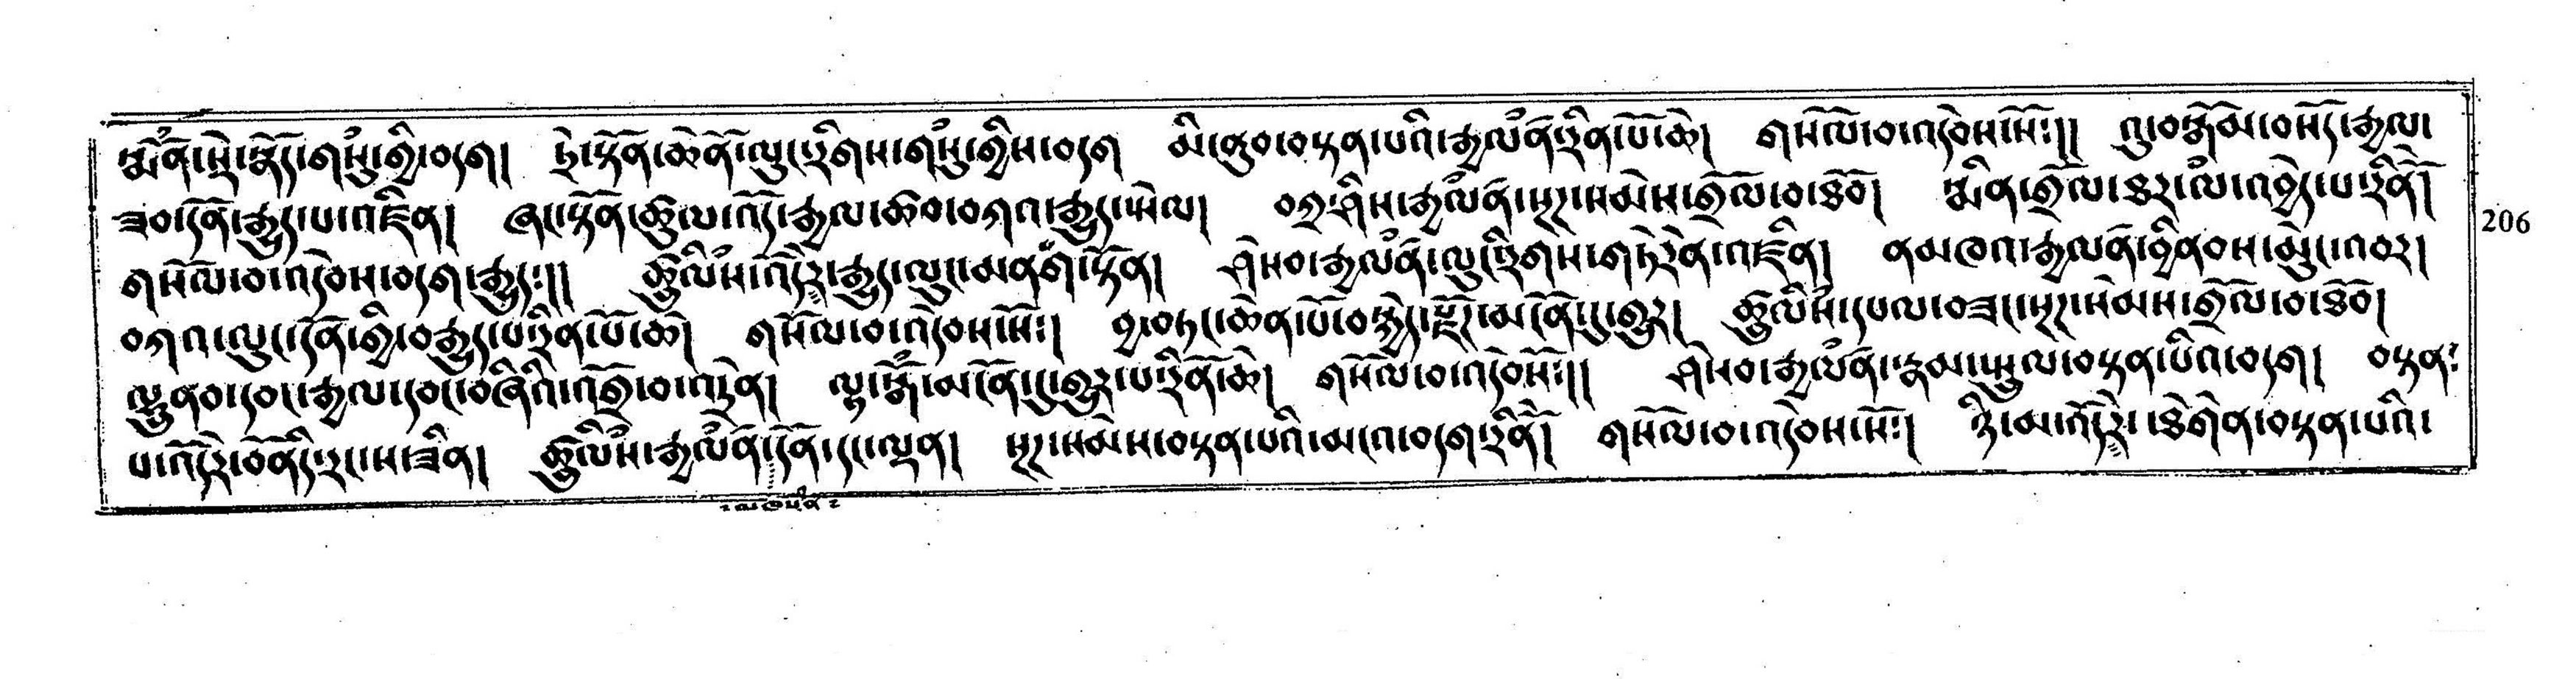སྨོན་ལམ་སྡེ་སྣོད་གསུམ་གྱི་བདག ཏྲེ་སྟོན་ཆེན་པོ་ལུང་རིགས་གསུམ་གྱི་བདག མི་ནུབ་བསྟན་པའི་རྒྱལ་མཚན་རིན་པོ་ཆེ། གསོལ་བ་འདེབས་སོ༴།། འུ་བསྒོམ་བསོད་རྒྱལ་
ཟབ་དོན་རྒྱུད་པ་འཛིན། ཞང་སྟོན་ཚུལ་འོད་རྒྱལ་ཚབ་བཀའ་རྒྱུད་སྤེལ། བཀྲ་ཤིས་རྒྱལ་མཚན་སྔགས་སེམས་གྲོལ་བ་ཐོབ། སྨིན་གྲོལ་ཐར་ལམ་འབྱེད་པ་རིན་པོ་ཆེ། 
གསོལ་བ་འདེབས་བདག་རྒྱུད༴།། ཚུལ་ཁྲིམས་འོད་ཟེར་རྒྱུད་ལུང་མན་ངག་སྟོན། ཤེས་རབ་རྒྱལ་མཚན་ལུང་རིགས་གཏེར་ཆེན་འཛིན། ནམ་མཁའ་རྒྱལ་མཚན་བྱིན་རླབས་མེ་དཔུང་འབར། 
བཀའ་ལུང་དོན་གྱི་བརྒྱུད་པ་རིན་པོ་ཆེ། གསོལ་བ་འདེབས་སོ༴། བྱ་བཏང་ཆེན་པོ་བསྐྱེད་རྫོགས་མངོན་དུ་གྱུར། ཚུལ་ཁྲིམས་དཔལ་བཟང་སྔགས་སེམས་གྲོལ་བ་ཐོབ། 
ལྷུན་གྲུབ་དབང་རྒྱལ་དབང་བཞིའི་འགྲོ་བ་འདྲེན། ལྟ་སྒོམ་མངོན་དུ་གྱུར་པ་རིན་པོ་ཆེ། གསོལ་བ་འདེབས་སོ༴།། ཤེས་རབ་རྒྱལ་མཚན་རྣམ་སྤྲུལ་བསྟན་པའི་བདག བསྟན་
པ་འོད་ཟེར་བོན་ཉིད་རང་ས་ཟིན། ཚུལ་ཁྲིམས་རྒྱལ་མཚན་མཁས་བཙུན་དོན་དང་ལྡན། སྔགས་སེམས་བསྟན་པའི་མངའ་བདག་རིན་པོ་ཆེ། གསོལ་བ་འདེབས་སོ༴། ཉི་མ་འོད་ཟེར་ཐེག་ཆེན་བསྟན་པའི་